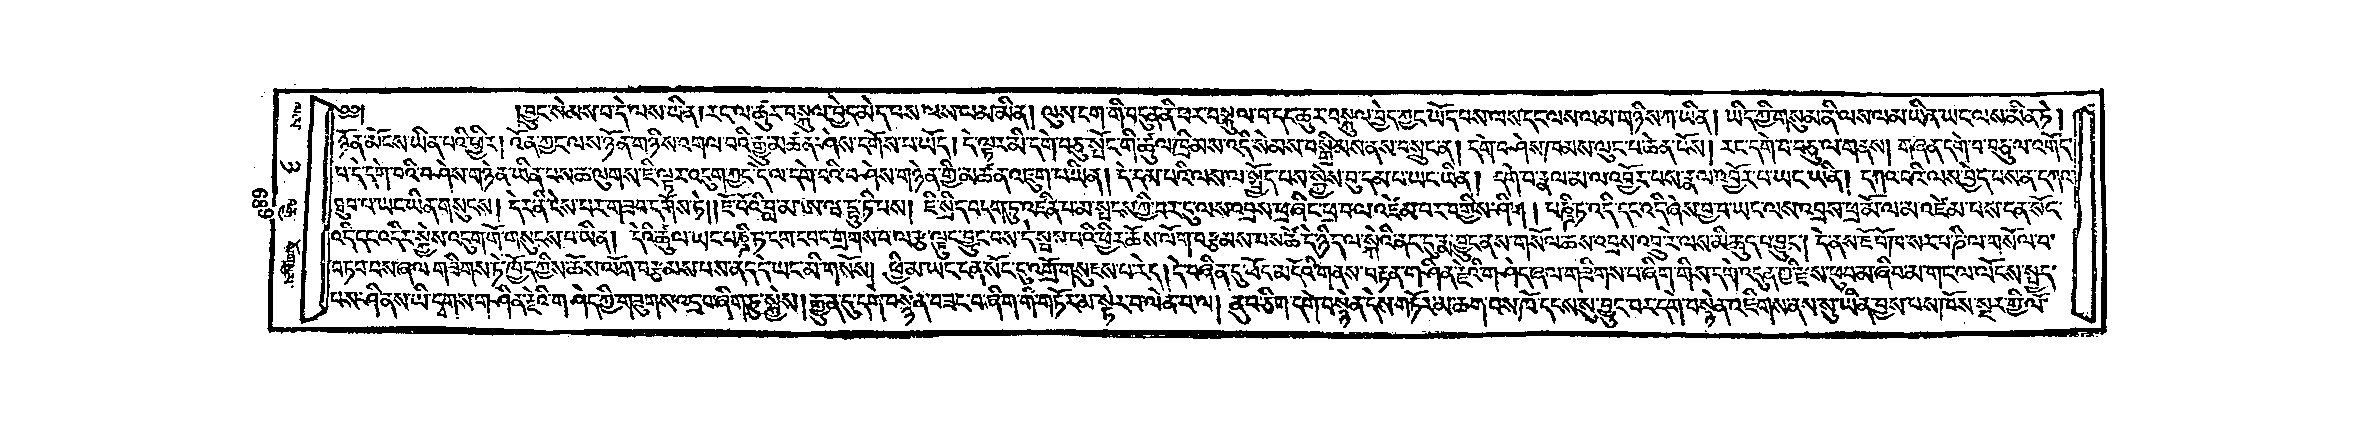༄༅། །བྱུང་སེམས་པ་དེ་ལས་ཡིན། རང་ལ་ཚུར་བསྐུལ་བྱེད་མེད་པས་ལས་ལམ་མིན། ལུས་ངག་གི་བདུན་ནི་ཕར་བསྐུལ་བ་དང་ཆུར་བསྐུལ་བྱེད་ཀྱང་ཡོད་པས་ལས་དང་ལས་ལམ་གཉིས་ཀ་ཡིན། ཡིད་ཀྱི་གསུམ་ནི་ལས་ལམ་ཡིན་ཡང་ལས་མིན་ཏེ།
ཉོན་མོངས་ཡིན་པའི་ཕྱིར། འོན་ཀྱང་ལས་ཉོན་གཉིས་འགལ་བའི་རྒྱུ་མཚན་ཤེས་དགོས་པ་ཡོད། དེ་ལྟར་མི་དགེ་བཅུ་སྤོང་གི་ཚུལ་ཁྲིམས་འདི་སེམས་བསྒྲིམས་ནས་བསྲུང་ན། དགེ་བཤེས་ཁམས་ལུང་པ་ཆེན་པོས། རང་དགེ་བ་བཅུ་ལ་གནས། གཞན་དགེ་བ་བཅུ་ལ་འགོད་
པ་དེ་དགེ་བའི་བཤེས་གཉེན་ཡིན་པས་ཆ་ལུགས་ཇི་ལྟར་འདུག་ཀྱང་དེ་ལ་དགེ་བའི་བཤེས་གཉེན་གྱི་མཚན་འཇུག་པ་ཡིན། དེ་དམ་པའི་ལས་ལ་སྤྱོད་པས་སྐྱེས་བུ་དམ་པ་ཡང་ཡིན། དགེ་བ་རྣལ་མ་ལ་འབྱོར་པས་རྣལ་འབྱོར་པ་ཡང་ཡིན། དཀའ་བའི་ལས་བྱེད་པས་ན་དཀའ་
ཐུབ་པ་ཡང་ཡིན་གསུངས། དེར་ནི་ངེས་པར་གཟབ་དགོས་ཏེ། །ཇོ་བོའི་བླ་མ་ཨ་ཝ་དྷུ་ཏི་པས། ཇི་སྲིད་བདག་ཏུ་འཛིན་པ་མ་སྤངས་ཀྱི་བར་དུ་ལས་འབྲས་ཕྲ་ཞིང་ཕྲ་བ་ལ་འཛེམ་པར་བགྱིས་ཤིག །པཎྜིཏ་འདི་དང་འདི་ཞེས་བྱ་བ་ཡང་ལས་འབྲས་ཕྲ་མོ་ལ་མ་འཛེམ་པས་ངན་སོང་
འདི་དང་འདིར་སྐྱེས་འདུག་གོ་གསུངས་པ་ཡིན། དེའི་ཚུལ་ཡང་པཎྜིཏ་ངག་དབང་གྲགས་པ་ལ་རྩ་ལྟུང་བྱུང་པས་དེ་སྦས་པའི་ཕྱིར་ཆོས་ལོག་བརྩམས་པས་ཚེ་དེ་ཉིད་ལ་སྐེའི་ནང་དུ་རྨ་བྱུང་ནས་གསོལ་ཆས་འབྲས་འབྲུ་རེ་ལས་མི་ཆུད་པ་བྱུང་། དེ་ནས་ཇོ་བོ་ཁ་སར་པ་ཎི་ལ་གསོལ་བ་
བཏབ་པས་ཞལ་གཟིགས་ཏེ་ཁྱོད་ཀྱིས་ཆོས་ལོག་བརྩམས་པས་ནད་དེ་ཡང་མི་གསོས། ཕྱི་མ་ཡང་ངན་སོང་དུ་འགྲོ་གསུངས་པ་རེད། དེ་བཞིན་དུ་ཕོད་མདོའི་གནས་བརྟན་གཤིན་རྗེའི་གཤེད་ཞལ་གཟིགས་པ་ཞིག་གིས་དགེ་འདུན་གྱི་རྫས་ཕུབ་མ་ཞིབ་མ་གང་ལ་ལོངས་སྤྱད་
པས་ཤི་ནས་ཡི་དྭགས་གཤིན་རྗེའི་གཤེད་ཀྱི་གཟུགས་འདྲ་བ་ཞིག་ཏུ་སྐྱེས། རྒྱུན་དུ་དགེ་བསྙེན་བཟང་བ་ཞིག་གི་གཏོར་མ་སྟེར་བ་ལེན་པ་ལ། ནུབ་ཅིག་དགེ་བསྙེན་དེས་གཏོར་མ་ཆག་པས་ཁོ་དངོས་སུ་བྱུང་བར་དགེ་བསྙེན་འཇིགས་ནས་སུ་ཡིན་བྱས་པས་ཁོས་སྔར་གྱི་ལོ་